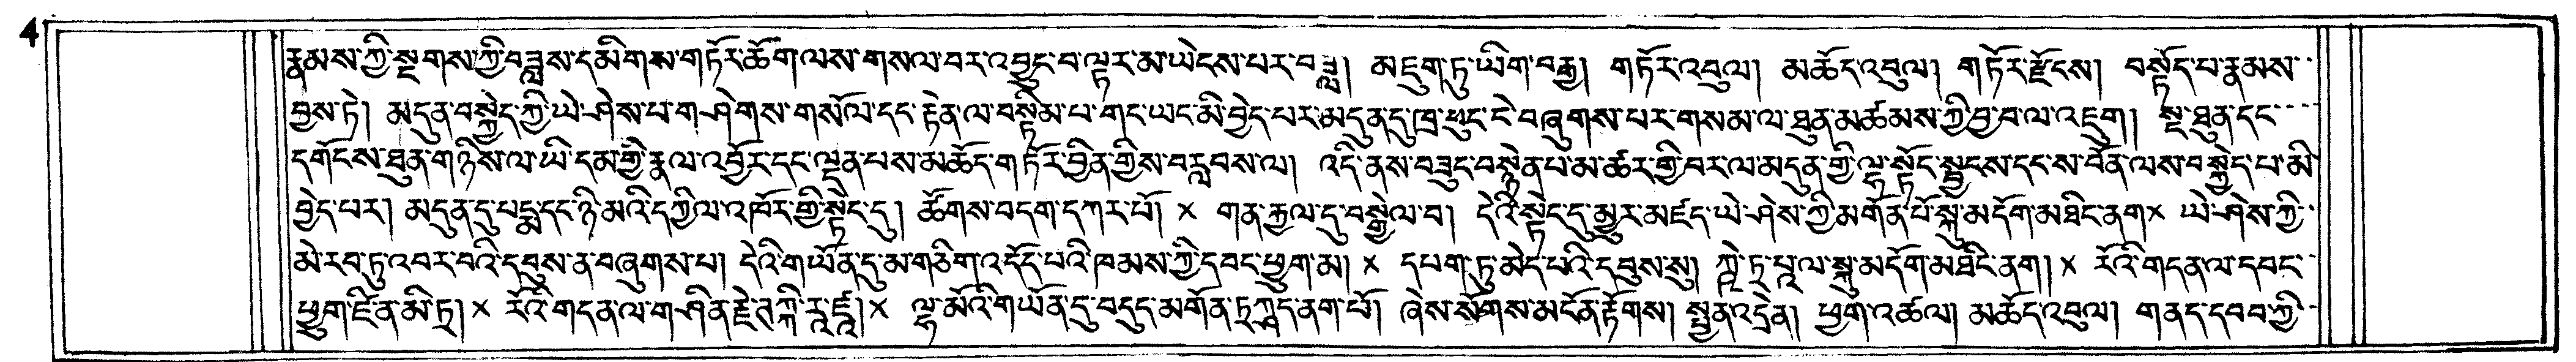རྣམས་ཀྱི་སྔགས་ཀྱི་བཟླས་དམིགས་གཏོར་ཆོག་ལས་གསལ་བར་འབྱུང་བ་ལྟར་མ་ཡེངས་པར་བཟླ། མཇུག་ཏུ་ཡིག་བརྒྱ། གཏོར་འབུལ། མཆོད་འབུལ། གཏོར་རྫོངས། བསྟོད་པ་རྣམས་
བྱས་ཏེ། མདུན་བསྐྱེད་ཀྱི་ཡེ་ཤེས་པ་གཤེགས་གསོལ་དང་རྟེན་ལ་བསྟིམ་པ་གང་ཡང་མི་བྱེད་པར་མདུན་དུ་ཁྲ་ཕུང་ངེ་བཞུགས་པར་གསམ་ལ་ཐུན་མཚམས་ཀྱི་བྱ་བ་ལ་འཇུག །སྔ་ཐུན་དང་
དགོངས་ཐུན་གཉིས་ལ་ཡི་དམ་གྱི་རྣལ་འབྱོར་དང་ལྡན་པས་མཆོད་གཏོར་བྱིན་གྱིས་བརླབས་ལ། འདི་ནས་བཟུང་བསྙེན་པ་མ་ཚར་གྱི་བར་ལ་མདུན་གྱི་ལྷ་སྟོང་སྦྱངས་དང་ས་བོན་ལས་བསྐྱེད་པ་མི་
བྱེད་པར། མདུན་དུ་པདམ་དང་ཉི་མའི་དཀྱིལ་འཁོར་གྱི་སྟེང་དུ། ཚོགས་བདག་དཀར་པོ། +་གན་རྐྱལ་དུ་བསྒྱེལ་བ། དེའི་སྟེང་དུ་མྱུར་མཛད་ཡེ་ཤེས་ཀྱི་མགོན་པོ་སྐུ་མདོག་མཐིང་ནག་+་ཡེ་ཤེས་ཀྱི་
མེ་རབ་ཏུ་འབར་བའི་དབུས་ན་བཞུགས་པ། དེའི་གཡོན་དུ་མ་གཅིག་འདོད་པའི་ཁམས་ཀྱི་དབང་ཕྱུག་མ། +་དཔག་ཏུ་མེད་པའི་དབུས་སུ། ཀྵེ་ཏྲ་པཱ་ལ་སྐུ་མདོག་མཐིང་ནག། +་རོའི་གདན་ལ་དབང་
ཕྱུག་ཛི་ན་མི་ཏྲ། +་རོའི་གདན་ལ་གཤིན་རྗེ་ཊཀྐི་རཱ་ཛཱ། +་ལྷ་མོའི་གཡོན་དུ་བདུད་མགོན་ཏྲཀྴད་ནག་པོ། ཞེས་སོགས་མངོན་རྟོགས། སྤྱན་འདྲེན། ཕྱག་འཚལ། མཆོད་འབུལ། གནད་དབབ་ཀྱི་